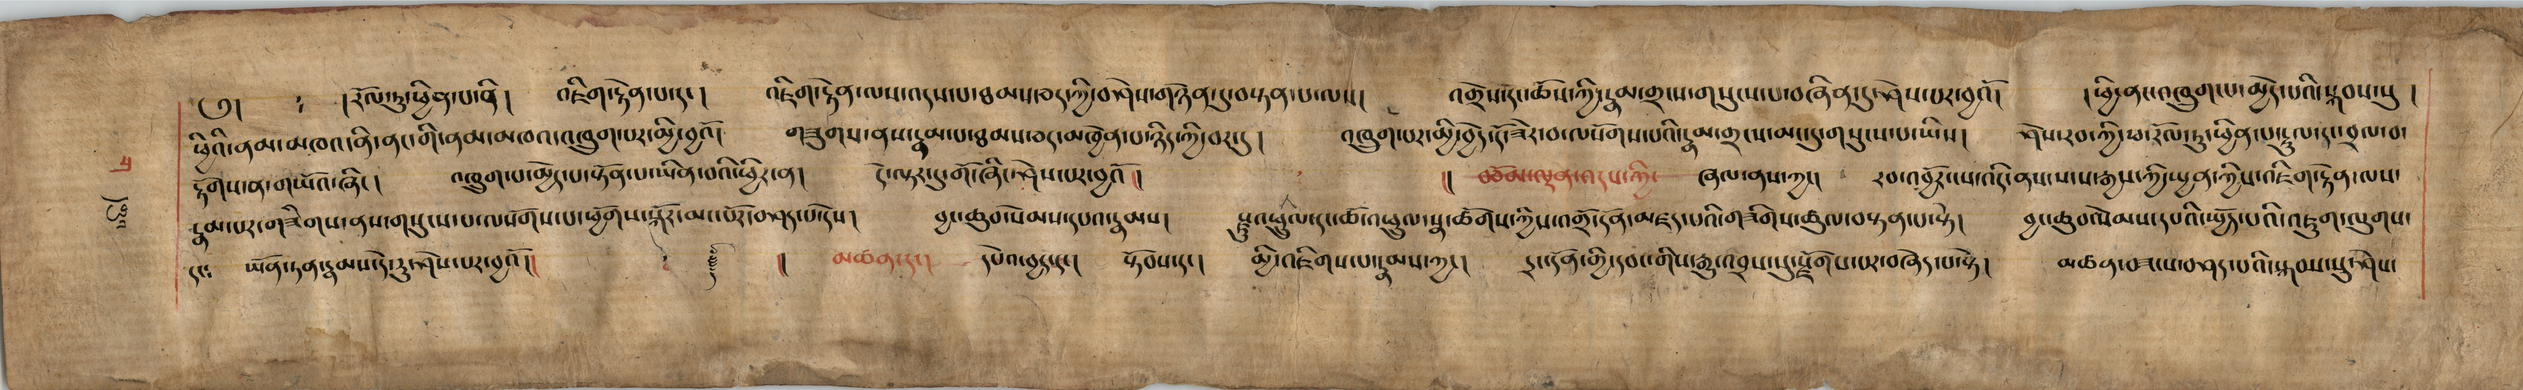༅། : །རོལ་ཏུ་ཕྱིན་པ་ནི ། འཇིག་རྟེན་པ་དང། འཇིག་རྟེན་ལས་འདས་པ་ཐམས་ཅད་ཀྱི་བཤེས་གཉེན་དུ་བསྟན་པ་ལས། །ཕྱི་ནང་འཁྲུག་པ་མྱེད་པའི་སྐབས་སུ །
ཕྱིའི་ནམ་མཁའ་ནི་ནང་གི་ནམ་མཁའ་འཁྲུག་པར་མྱི་བྱའོ། གཟུགས་ནས་རྣམ་པ་ཐམས་ཅད་མཁྱེན་པ་ཉིད་ཀྱི་བར་དུ ། འཁྲུག་པར་མྱི་བྱེད་དོ་ཟེར་བ་ལསོགས་པའི་རྣམ་གྲངས་མང་དུ་གསུངས་པ་ཡིས། ཤེས་རབ་ཀྱི་ཕ་རོལ་ཏུ་ཕྱིན་པ་རྡུལ་དང་བྲལ་བ་
རྟོགས་ན་གཡོའ་ཞིང། འཁྲུག་པ་མྱེད་པ་སྟོན་པ་ཡིན་བའི་ཕྱིར་ན། དེ་ལྟར་དུ་གོ་ཞིང་ཤེས་པར་བྱའོ།། །། བཅོམ་ལྡན་འདས་ཀྱི་ ཞལ་ནས་ཀྱང། རབ་འབྱོར་ངས་འདི་ནས་སངས་རྒྱས་ཀྱི་ཡྱན་ཀྱིས་འཇིག་རྟེན་ལས་
རྣམ་པར་གཟིགས་ནས་གསུངས་པ་ལསོགས་པ་ཕྱོགས་སྐོར་མང་པོར་བཤད་པ་དེས། བྱང་ཆུབ་སེམས་དཔའ་རྣམས། སྫུ་ྼའཕྲུལ་དང་ཆོ་འཕྲུལ་སྣ་ཚོགས་ཀྱིས་འགྲོ་དོན་མཛད་པའི་གཟིགས་ཚུལ་བསྟན་པ་སྟེ། བྱང་ཆུབ་སེམས་དཔའི་སྤྱོད་པའི་འཇུག་ལུགས་
དང: ཡོན་ཏན་རྣམས་དེ་རུ་ཤེས་པར་བྱའོ།། ༈ །། མཚན་དང། དཔེའ་བྱད་དང། སྟོབས་དང། མྱི་འཇིགས་པ་རྣམས་ཀྱང། དྲང་དོན་གྱི་དབང་གིས་རྒྱུ་འབྲས་སུ་སྫོགས་པར་བཞེད་པ་སྟེ། མཚན་བཟངས་བཤད་པའི་སྐབས་སུ་ཤེས་